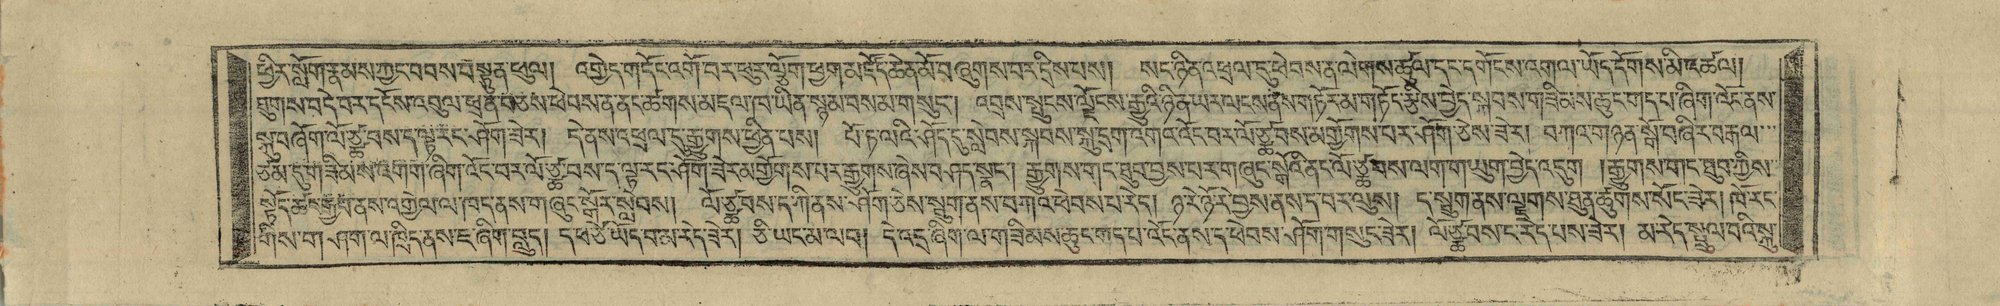ཕྱིར་སློག་རྣམས་ཀྱང་བབས་བསྟུན་ཕུལ། འགྱེད་གདོང་འགོ་བར་ཕུར་ལྕོག་ཕྱག་མཛོད་ཆེན་མོ་བཞུགས་པར་དྲིས་པས། སང་ཉིན་འཕྲལ་དུ་ཕེབས་ན་ལེགས་ཚུལ་དང་དགོངས་འགལ་ཡོད་དོགས་མི་འཚལ།
ཐུགས་བདེ་བར་དངོས་འབུལ་ཕྲན་བཅས་ཕེབས་ན་ནང་ཚགས་མཇལ་ཁ་ཡིན་སྙམ་བསམ་གསུང་། འབྲས་སྤུངས་ལྗོངས་རྒྱུའི་ཉིན་ཡར་ལངས་ནས་གཏོར་མ་གཏོང་རྩིས་བྱེད་སྐབས་གཟིམས་ཆུང་གད་པ་ཞིག་འོང་ནས་
སྐུ་བཞོག་ལོ་ཙྪ་བས་ད་ལྟ་རང་ཤོག་ཟེར། དེ་ནས་འཕྲལ་དུ་རྒྱུགས་ཕྱིན་པས། པོ་ཏ་ལའི་ཤོད་དུ་སླེབས་སྐབས་སྐུ་དྲག་འགའ་འོང་བར་ལོ་ཙྪ་བས་མགྱོགས་པར་ཤོག་ཅེས་ཟེར། བཀའ་གཉན་སྒོ་བཞིར་བརྒལ་
ཙམ་དུ་གཟིམས་འགག་ཞིག་འོང་བར་ལོ་ཙྪ་བས་ད་ལྟར་ང་ཤོག་ཟེར་མགྱོགས་པར་རྒྱུགས་ཞེས་བཤད་སྣང་། རྒྱུགས་གང་ཐུབ་བྱས་པར་གཞུང་སྒོའི་ནང་ལོ་ཙྪ་བས་ལག་གཡུག་བྱེད་འདུག །རྒྱུགས་གང་ཐུབ་ཀྱིས་
སྟོད་ཚང་རྒྱབ་ནས་འགྱེལ་ལ་ཁད་ནས་གཞུང་སྒོར་སླེབས། ལོ་ཙྪ་བས་ད་ཀི་ནས་ཤོག་ཅེས་སྦུག་ནས་བཀའ་ཕེབས་པ་རེད། ཉ་རེ་ཉོ་རེ་བྱས་ནས་ད་བར་ལུས། ད་སྦུག་ནས་ལྗགས་ཐུན་ཚུགས་སོང་ཟེར། ཁོ་རང་
གིས་གཤག་ལ་ཁྲིད་ནས་ཇ་ཞིག་བླུད། ད་ཕ་ཙེ་ཡོད་པ་མ་རེད་ཟེར། ཅི་ཡང་མ་ལབ། དེ་འདྲ་ཞིག་ལ་གཟིམས་ཆུང་གད་པ་འོང་ནས་ད་ཕེབས་ཤོག་གསུང་ཟེར། ལོ་ཙྪ་བས་ད་རེད་པས་ཟེར། མ་རེད་སྤྲུལ་པའི་སྐུ་